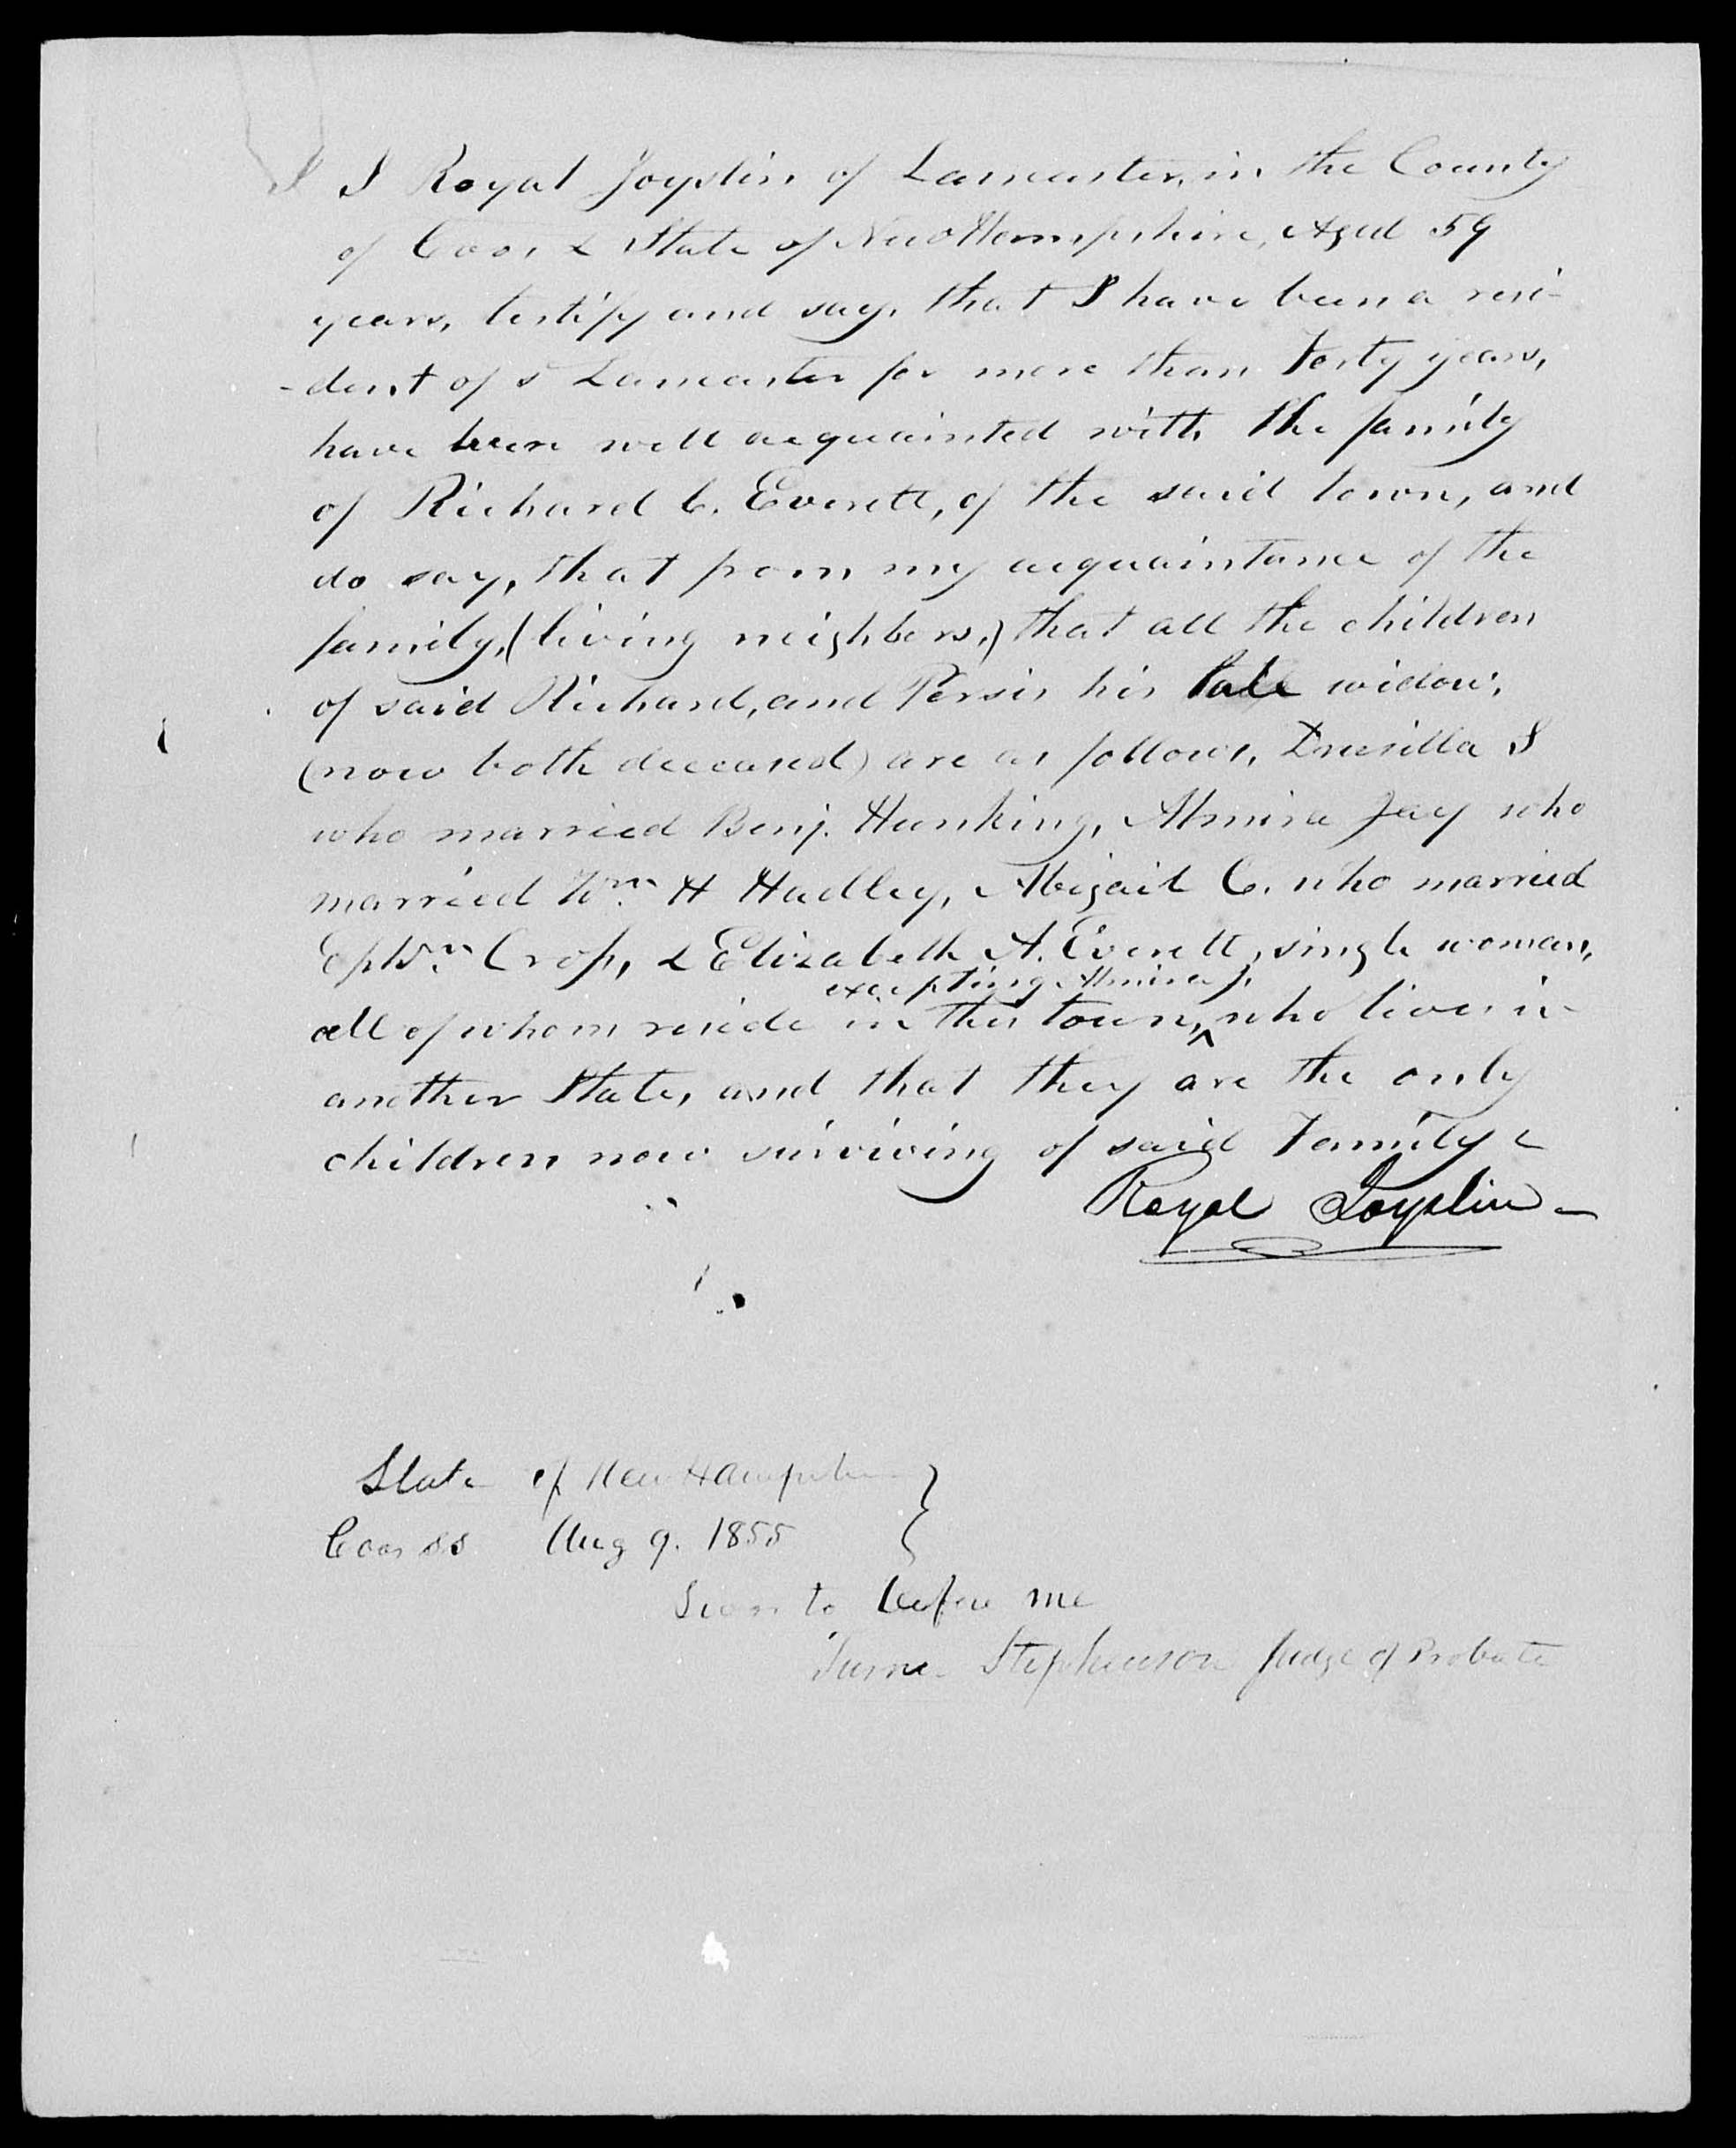I Royal Joyclin of Lancaster in the County of Coos & State of New Hampshire, Aged 59 years, testify and say, that I have been a resident of Lancaster for more than forty years, have been well acquainted with the family of Richard C. Everitt of the said town, and do say, that from my acquaintance of the family, (living neighbors,) that all the children of said Richard and Persis his late widow; (now both deceased) are as follows, Drusilla S who married Benj. Hunking, Almira Jay who married Wm H Hadley, Abigail C. who married Ephraim Cross, & Elizabeth A. Everett, single woman, all of whom reside in this town excepting Almira Jay who lives in another State, and that they are the only children now surviving of said Family 
Royal Joyclin - (signature) 

State of New Hampshire
Coos ss Aug 9. 1855 }

Sworn to before me
Turner Stephenson Judge of Probate (signature)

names: Richard C Everett, Richard, Benj Hunking, Royal Joyslin, Persis, Wm H Hadley, Turner Stephenson, Almira Jay, Drusilla S, Royal Joyslin, Ephm Cross, Abigail C, Elizabeth A Everett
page: 57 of 59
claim: widow's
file: W. 23017, Richard Clair Everett, Mass.